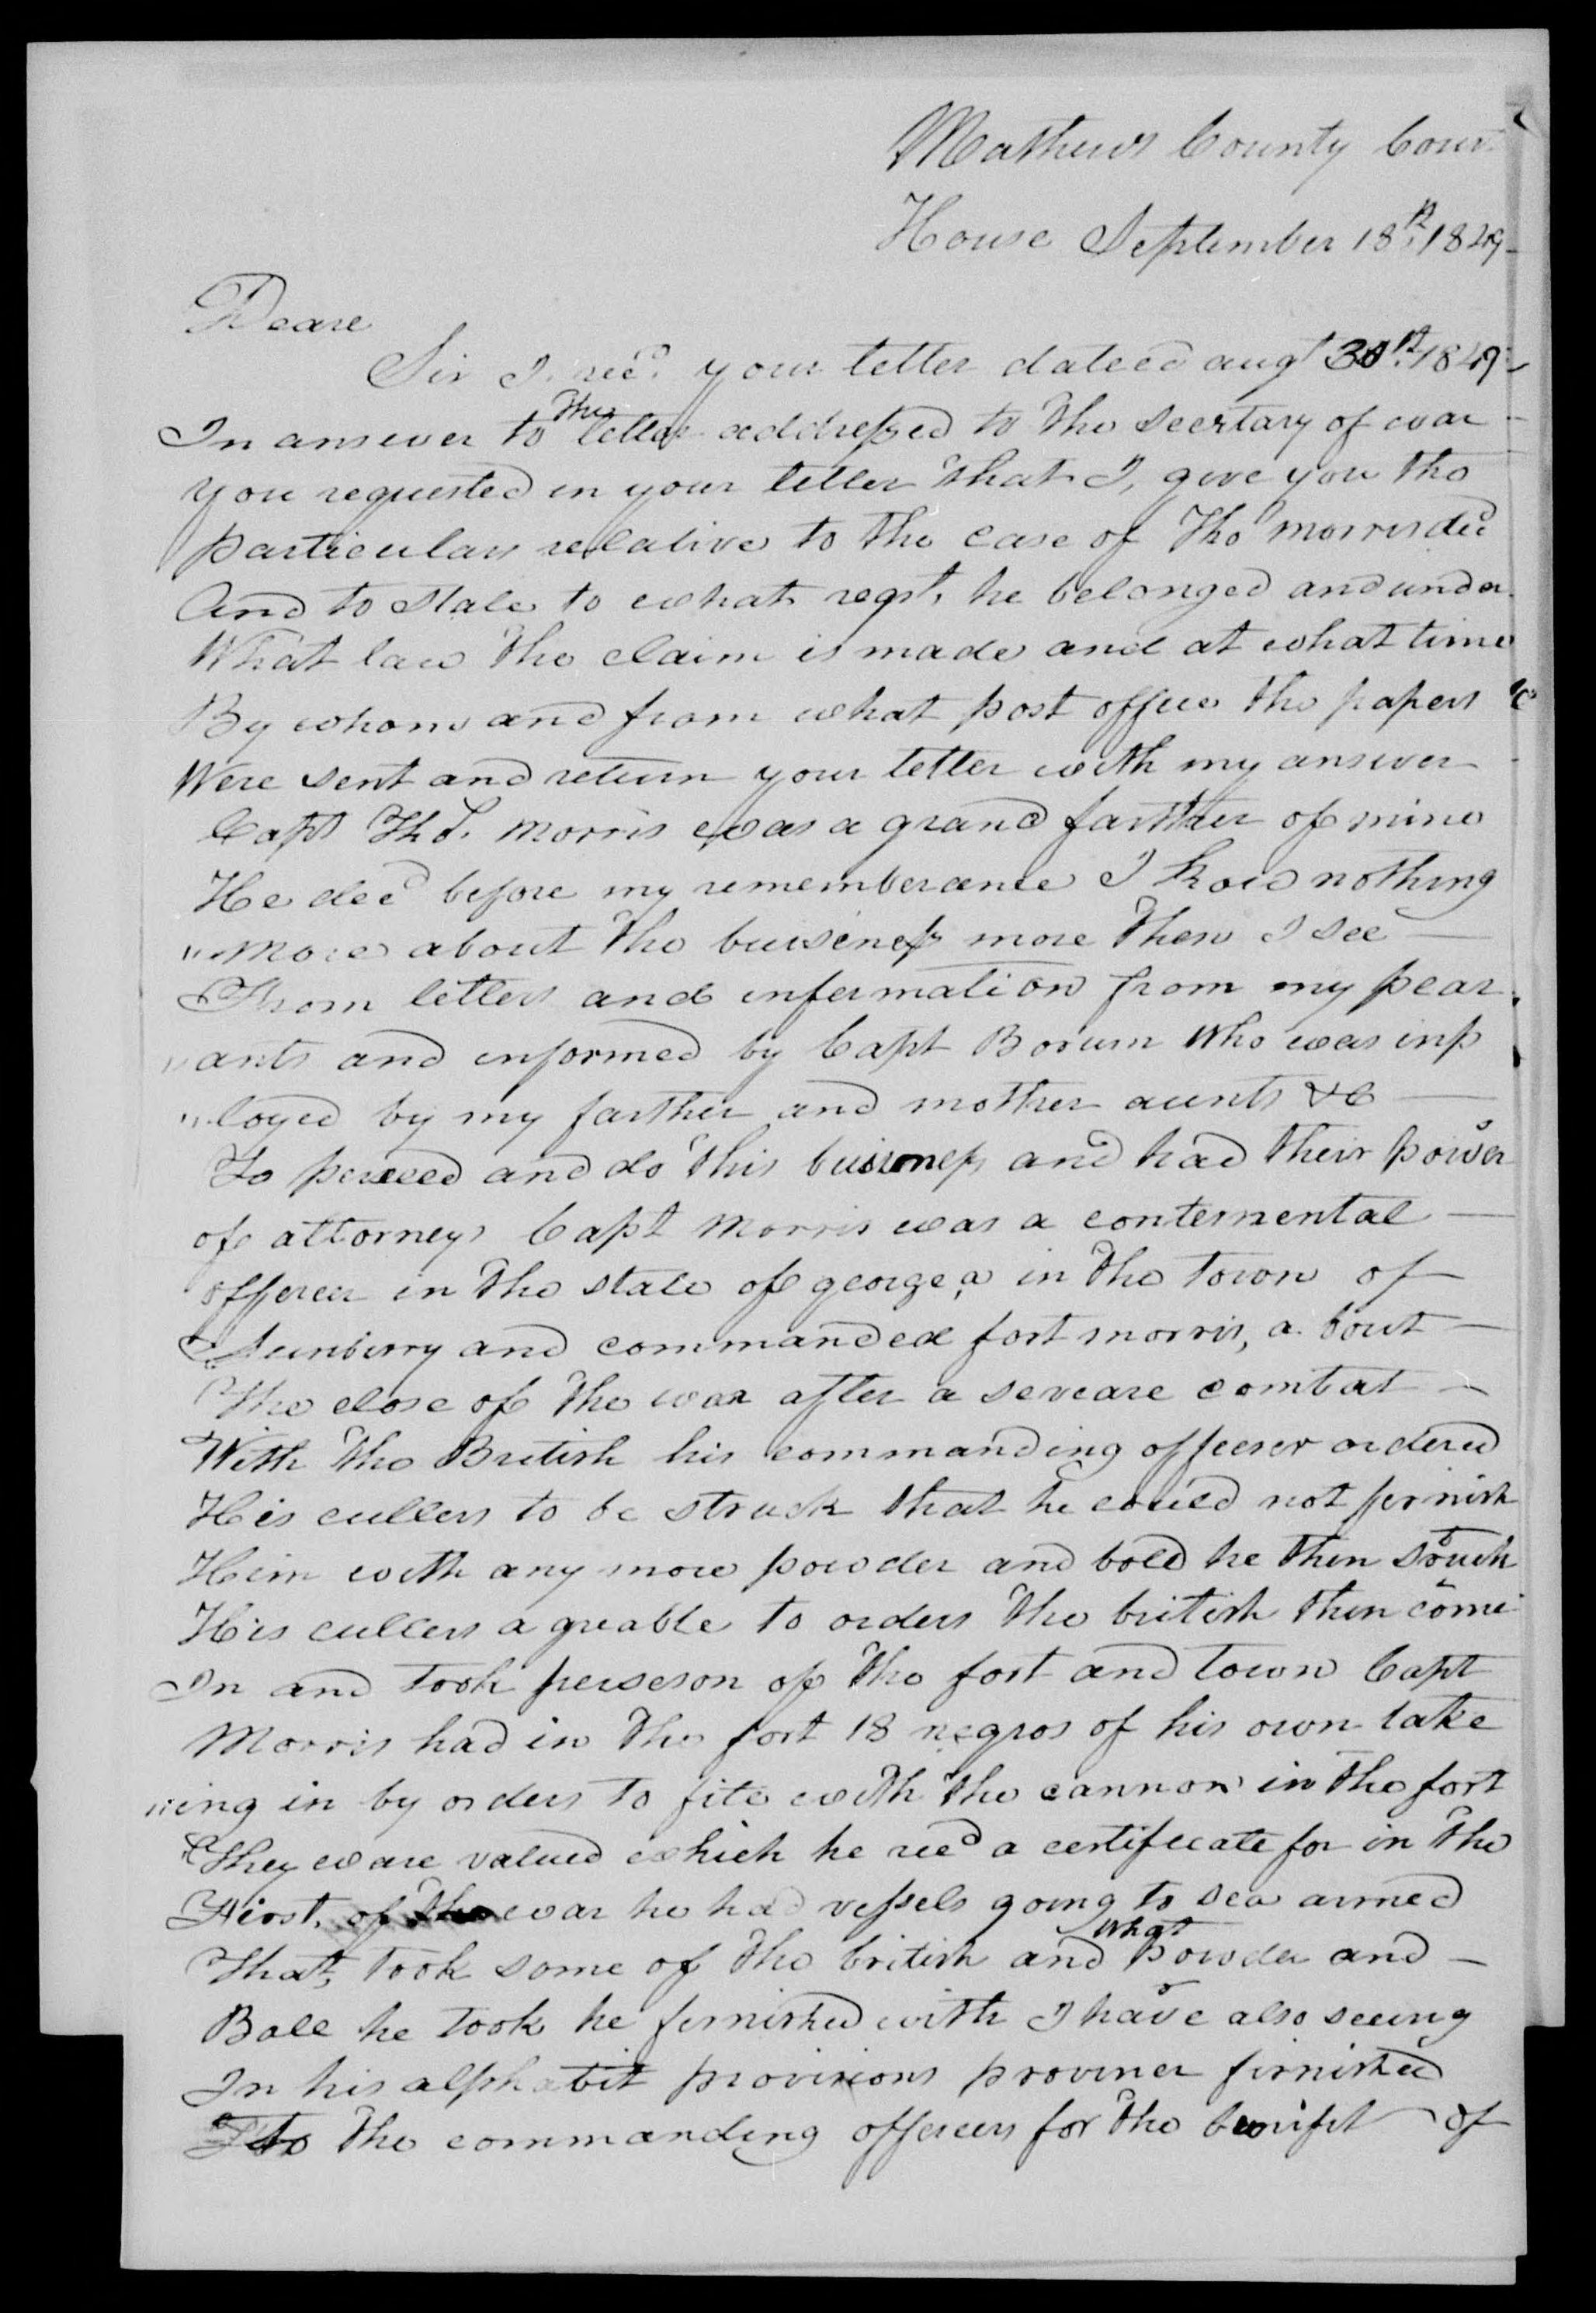Matthews County Court
House September 18th 1849
Deare [Dear]
Sir I recd your letter dated Aug 30th 1849.
In answer to my letter addressed to the secretary of war you requested in your letter that I give you the particulars relative to the case of Tho Morris decd and to state to what reast he belonged and under what law the claim is made and at what time by whom and from what post office the papers were sent and return your letter with my answer. Capt Tho L Morris was a grand father of mine. He decd before my rememberance [remembrance] I know nothing more about the business more than I see from letters and information from my pearants [parents] and informed by Capt Borum who was imployed [employed] by my father and mother aunts & C to perceed [precede] and do this business and had their power of attorneys Capt Morris was a conternental [continental] officer in the state of georgia [Georgia] in the town of Sunbury and commanded fort morris about the close of the war after a seveare [severe] combat with the British his commanding officer ordered his cullers to be struck that he could not furnish him with any more powder and ball he then struck his cullers a greable to orders. The british then come in and took [illegible] of the fort and town Capt Morris had in the fort 18 negros of his own takeing [taking] in by orders to fite [fight] with the cannon in the fort. They were valued which he recd a certificate for in the first of the war he had vessels going to sea armed that took some of the british and what powder and ball he took he furnished with I have also seeing in his alphabet provisions province furnished the commanding officers for the benifit of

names: [BLANK] Borum; Thos Morris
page: 6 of 30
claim: rejected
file: R. 16,555, for Thomas Morris, Georgia